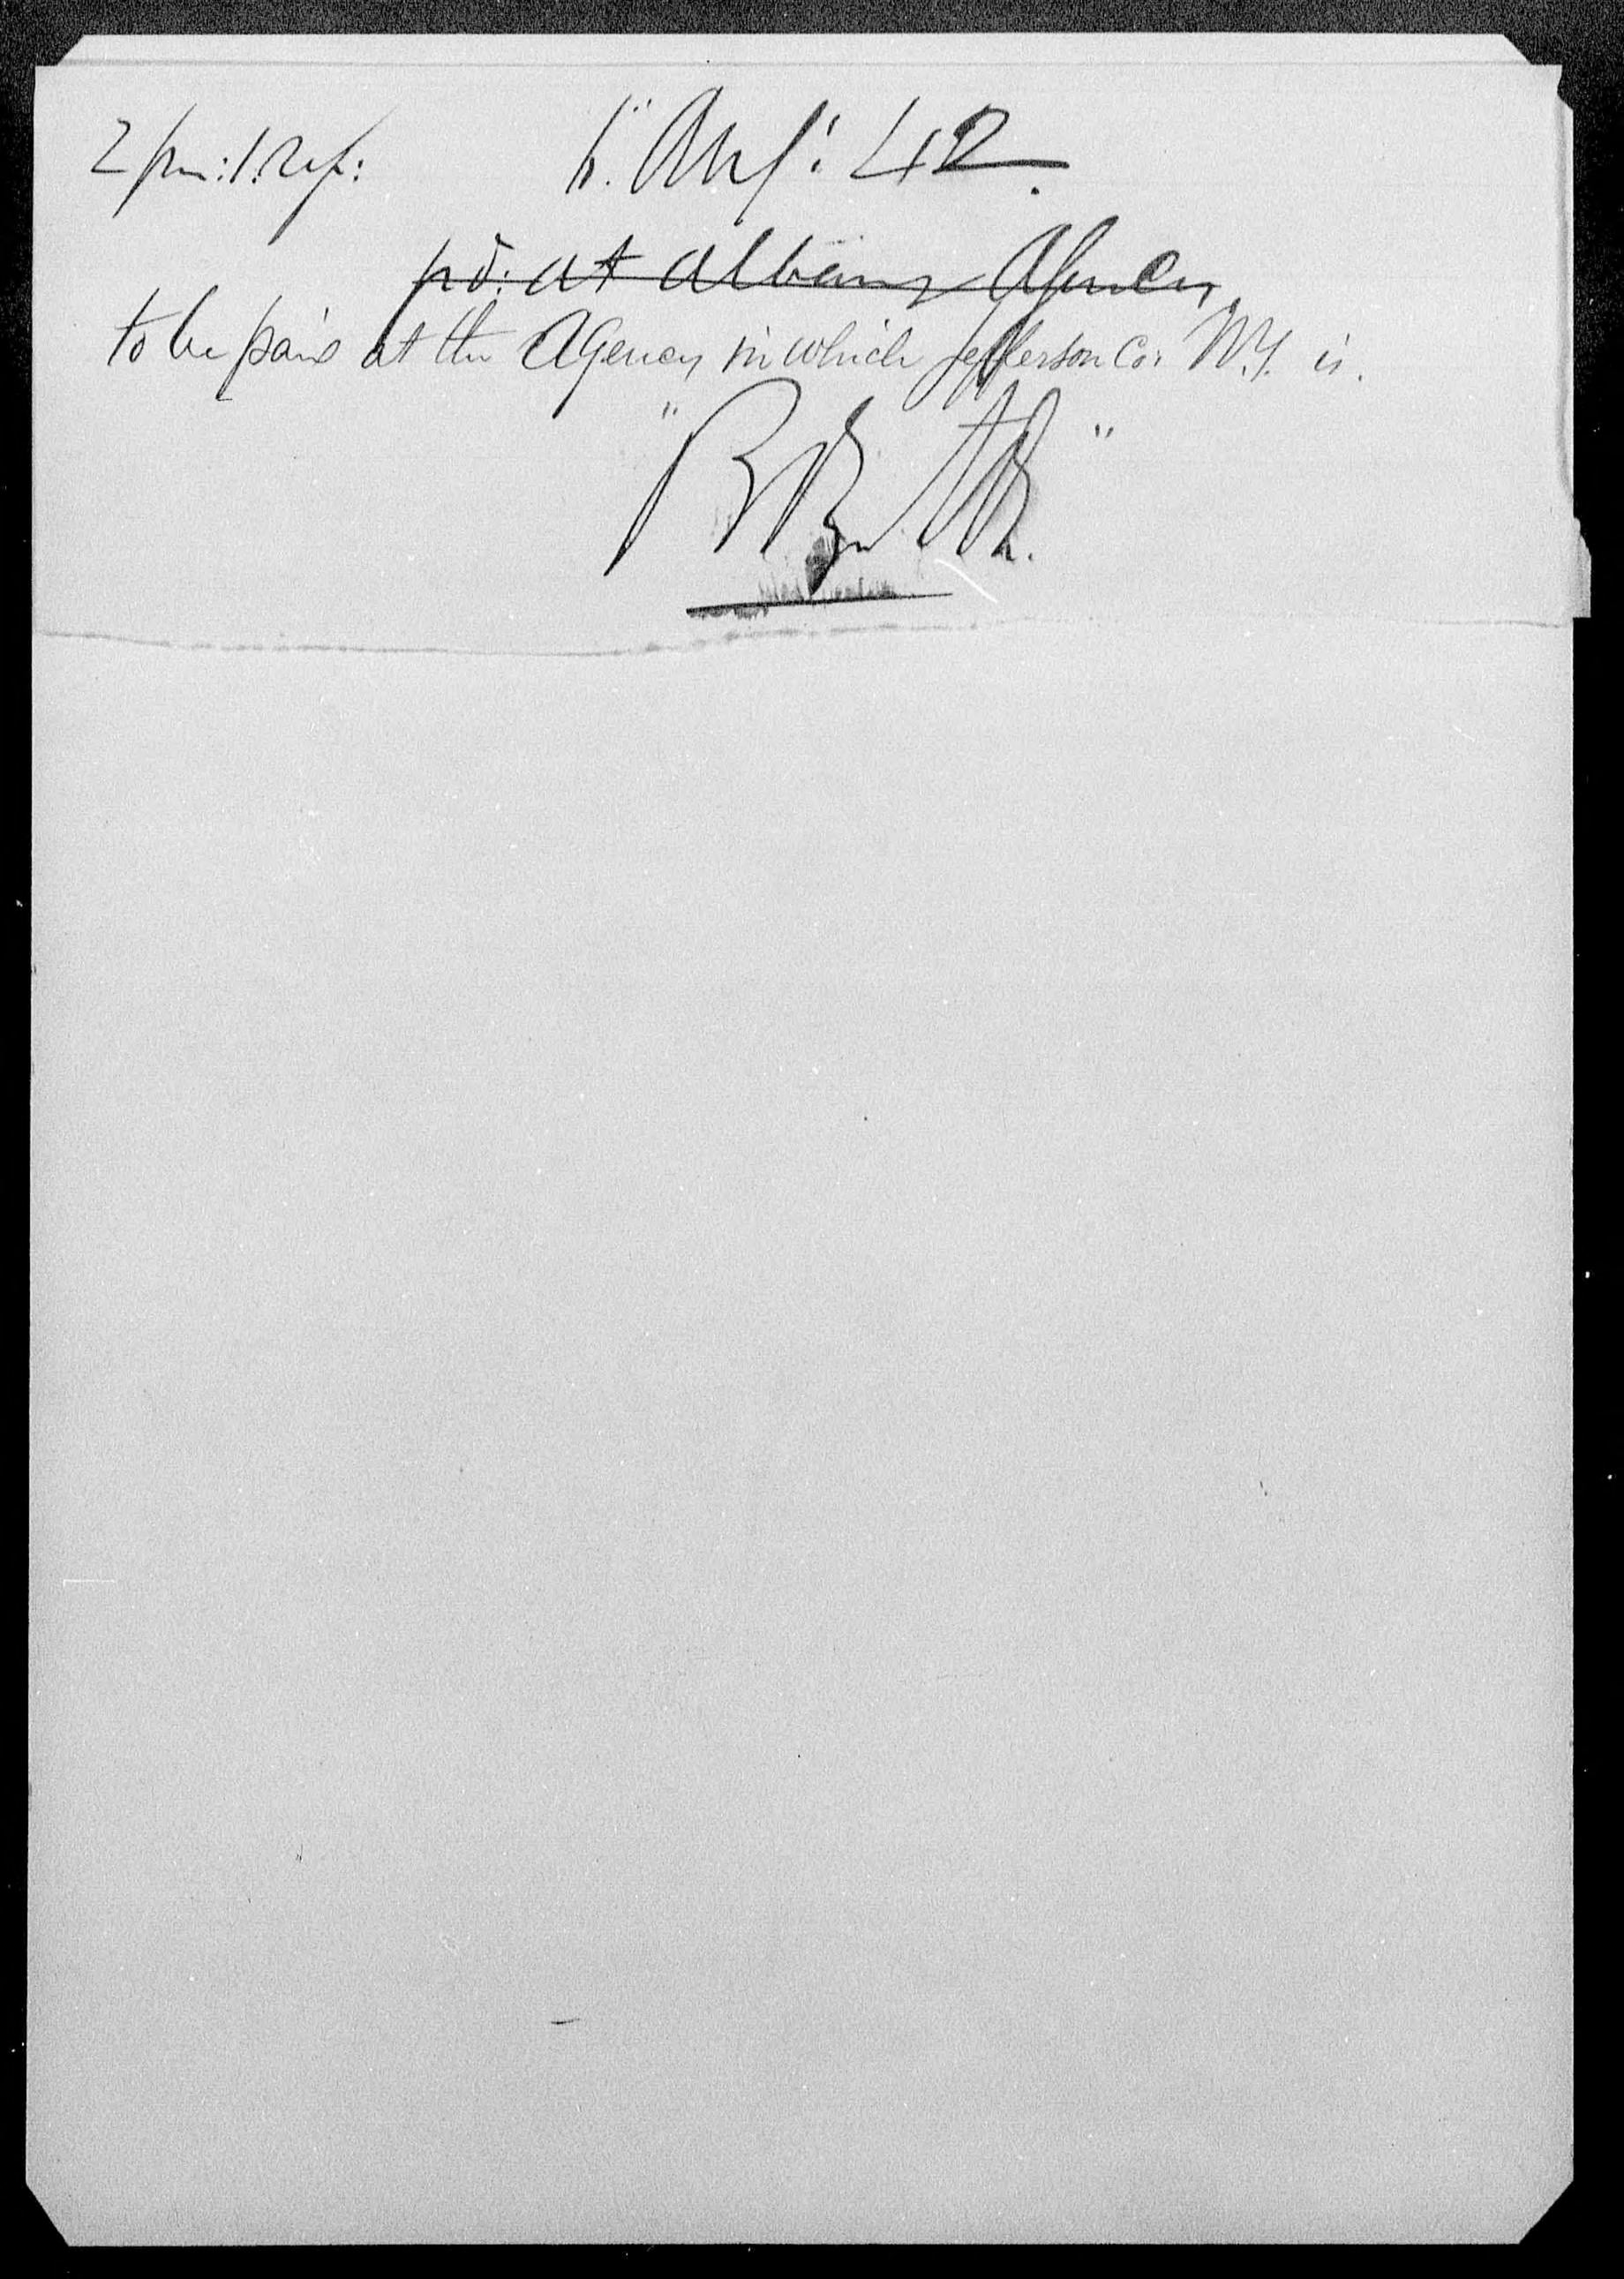2 Pri/Revy 	1. Aug: 42
to be paid at the Agency in which Jefferson Co. N.Y. is
[Signed] Boynton [?]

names: Boynton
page: 34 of 47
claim: widow's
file: W. 10,602, Barce Chard, New York.